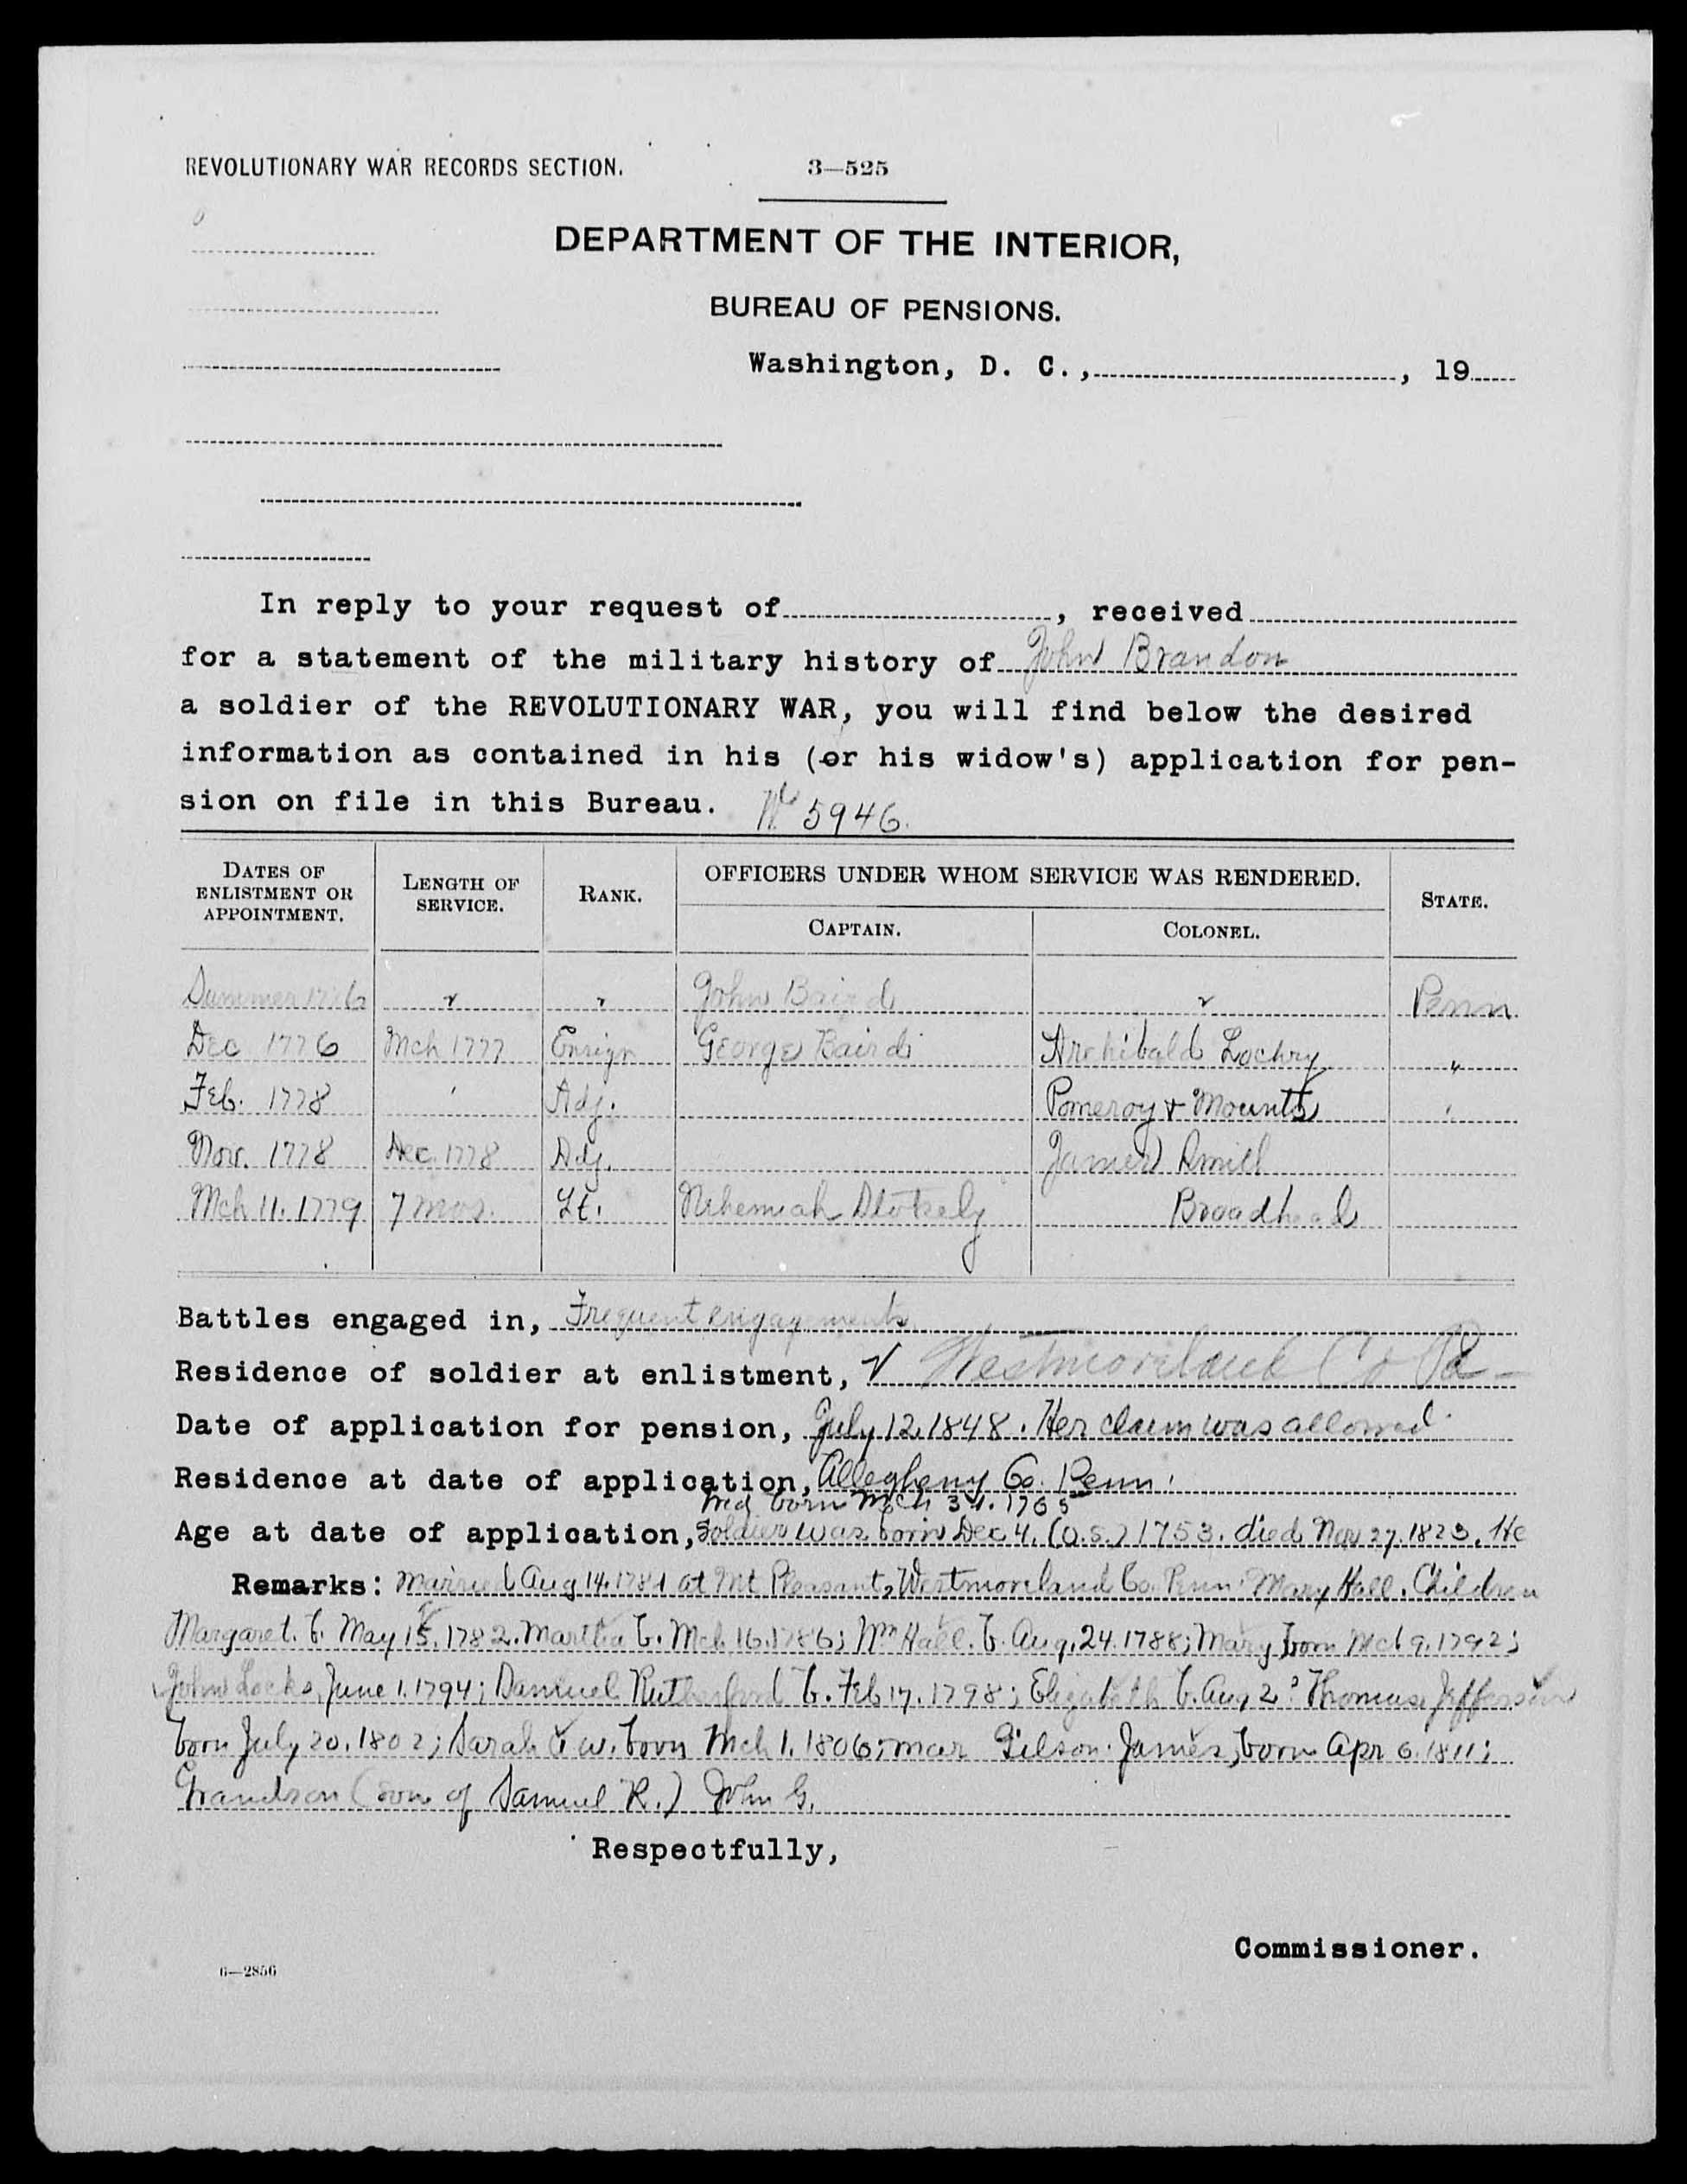REVOLUTIONARY WAR RECORDS SECTION.
3--525
-
DEPARTMENT OF THE INTERIOR,
BUREAU OF PENSIONS.
Washington, D. C., [blank], 19[blank]

In reply to your request of [blank], received [blank] for a statement of the military history of John Brandon a soldier of the REVOLUTIONARY WAR, you will find below the desired information as contained in his (or his widow's) application for pension on file in this Bureau. W. 5946
-
DATES OF ENLISTMENT OR APPOINTMENT.
Summer 1776
Dec 1776
Feb. 1778
Nov. 1778
Mch 11, 1779

LENGTH OF SERVICE.
-
Mch 1777
-
Dec 1778
7 mos.

RANK.
-
Ensign
Adj.
Adj.
Lt.

OFFICERS UNDER WHOM SERVICE WAS RENDERED.
CAPTAIN.
John Baird
George Baird
Nehemiah Stokely
COLONEL.
-
Archibald Lochry
Pomeroy & Mounts
James Smith
Broadhead

STATE.
Penn.
-
-
-
Battles engaged in, Frequent engagements
Residence of soldier at enlistment, Westmoreland Co Pa
Date of application for pension, July 12, 1848. Her claim was allowed.
Residence at date of application, Allegheny Co. Penn.
Age at date of application, Wid born Mch 31, 1765 Soldier was born Dec 4, (O.S.) 1753, died Nov 27, 1823. He
Remarks: married Aug 14, 1781 at Mt Pleasant, Westmoreland Co. Penn. Mary Hall. Children Margaret, b. May 15, 1782. Martha b. Mch 16, 1786; Wm Hall, b. Aug. 24, 1788; Mary born Mch 9, 1792; John Locks, June 1, 1794; Samuel Rutherford b. Feb 17, 1798; Elizabeth b. Aug 2 ? Thomas Jefferson born July 20, 1802; Sarah A.W. born Mch 1, 1806, mar Gilson James, born Apr 6, 1811; Grandson (son of Samuel R.) John G.
Respectfully,

Commissioner.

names: John Brandon, Samuel Rutherford, John Brigel, Broadhead, James Smith, Gilson James, Wm Hall, Martha, Sarah A W, Mary Hall, Mounts, Samuel R, John Locks, Pomeroy, Elizabeth, Margaret, Mary, Nehemah Stokely, Archibald Lochry, John G, George Baird, Thomas Jefferson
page: 78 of 83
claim: widow's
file: W. 5946, John Brandon, Penn